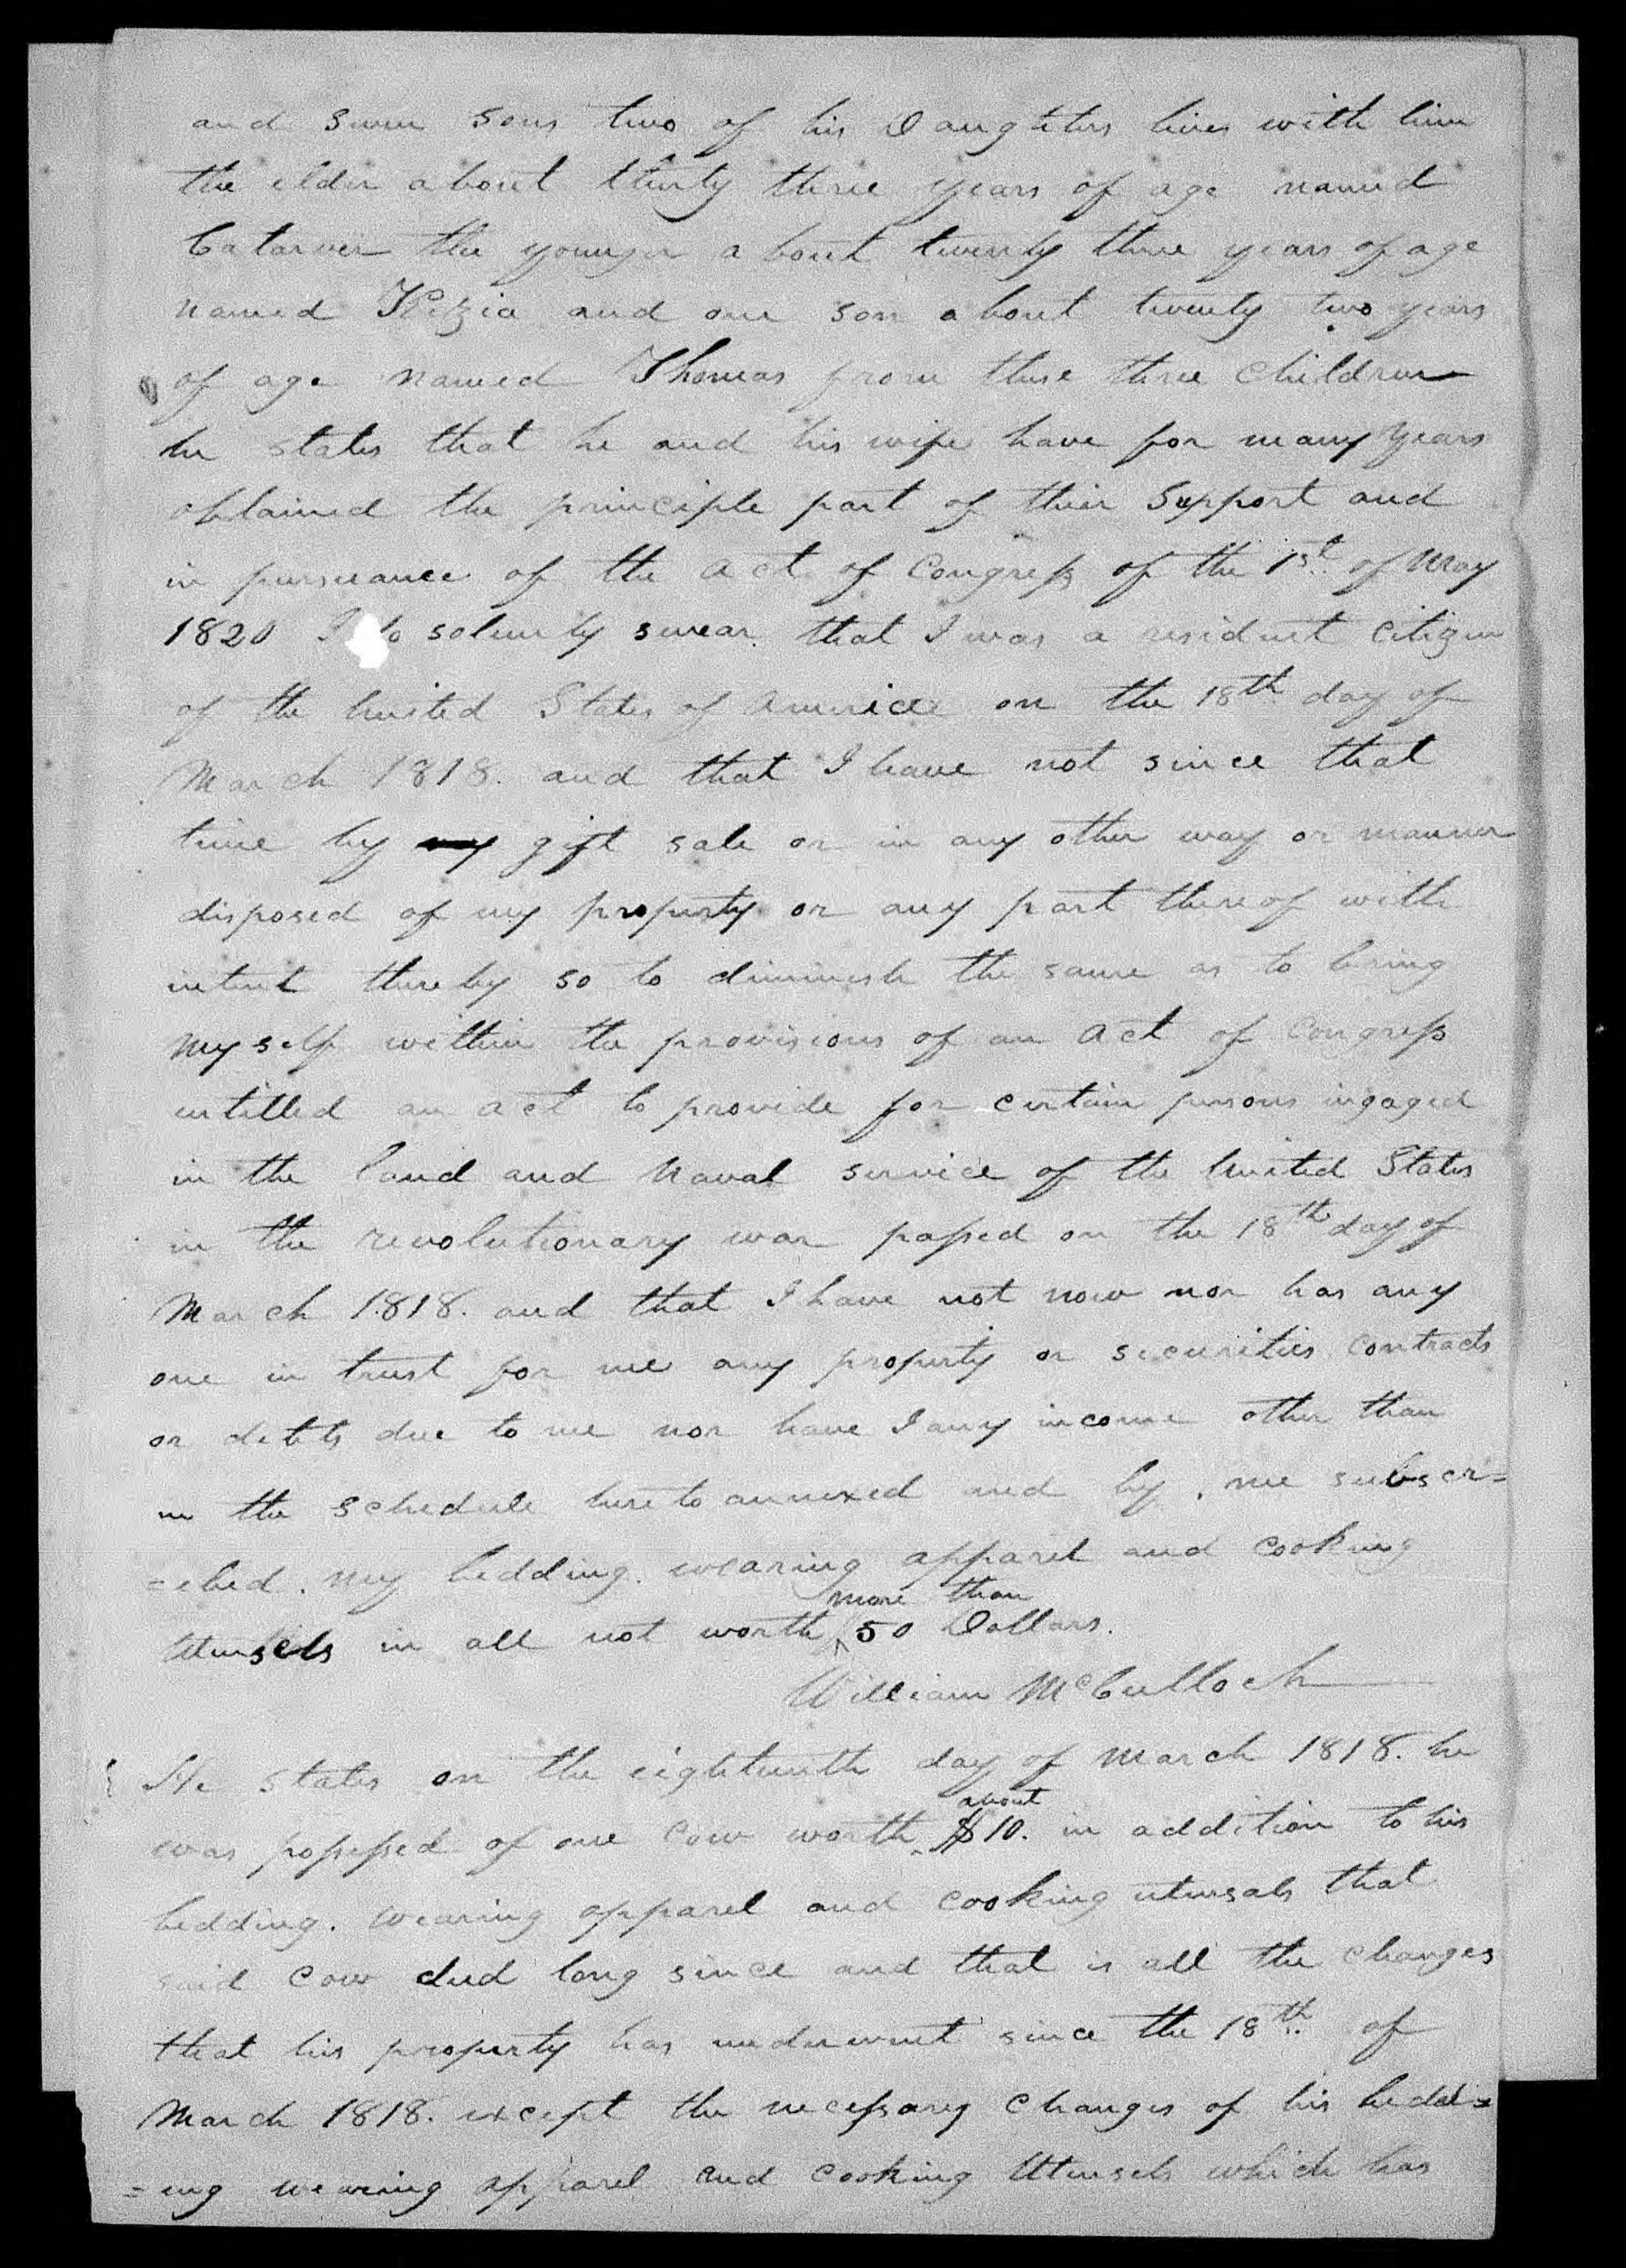and seven sons two of his Daughters live 
with him the elder about thirty-three years of age named Catarver[?], the younger about twenty three years of age named Kezia, and one son about twenty-two years of age named Thomas from these three children he states that he and his wife have for many years obtain the principal part of their support and in pursuance of the act of the first of May 1820, I do solemnly swear that I was a resident Citizen of the United States on the 18th day of March 1818 and that I have not since that time by gift, sale or in any manner whatever disposed of my property or any part thereof 
with intent thereby so to diminish it as to bring myself within the provision of an act of Congress entitled “an act to provide for certain persons engaged in the land and naval service of the United States in the revolutionary war” passed on the 18th day of March 1818, and that I have not nor has any person in trust for me any property, or securities, contracts or debts due to me nor have I any income other than what is contained in the schedule hereto annexed and by me subscribed, my bedding, wearing apparel and cooking utensils in all not worth more than $50. 
                        William McCulloch 
     He states on the 18th day of March 1818 he was possessed of one cow worth about $10 in 
addition to his bedding, wearing apparel and cooking utensils that said cow died long since and that is all the changes that his property has underwent since the 18th of March 1818 except the necessary changes of his bedding, wearing apparel and cooking utensils which has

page: 6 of 9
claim: survivor's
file: S. 38,936, for William Mc Culloch, Virginia